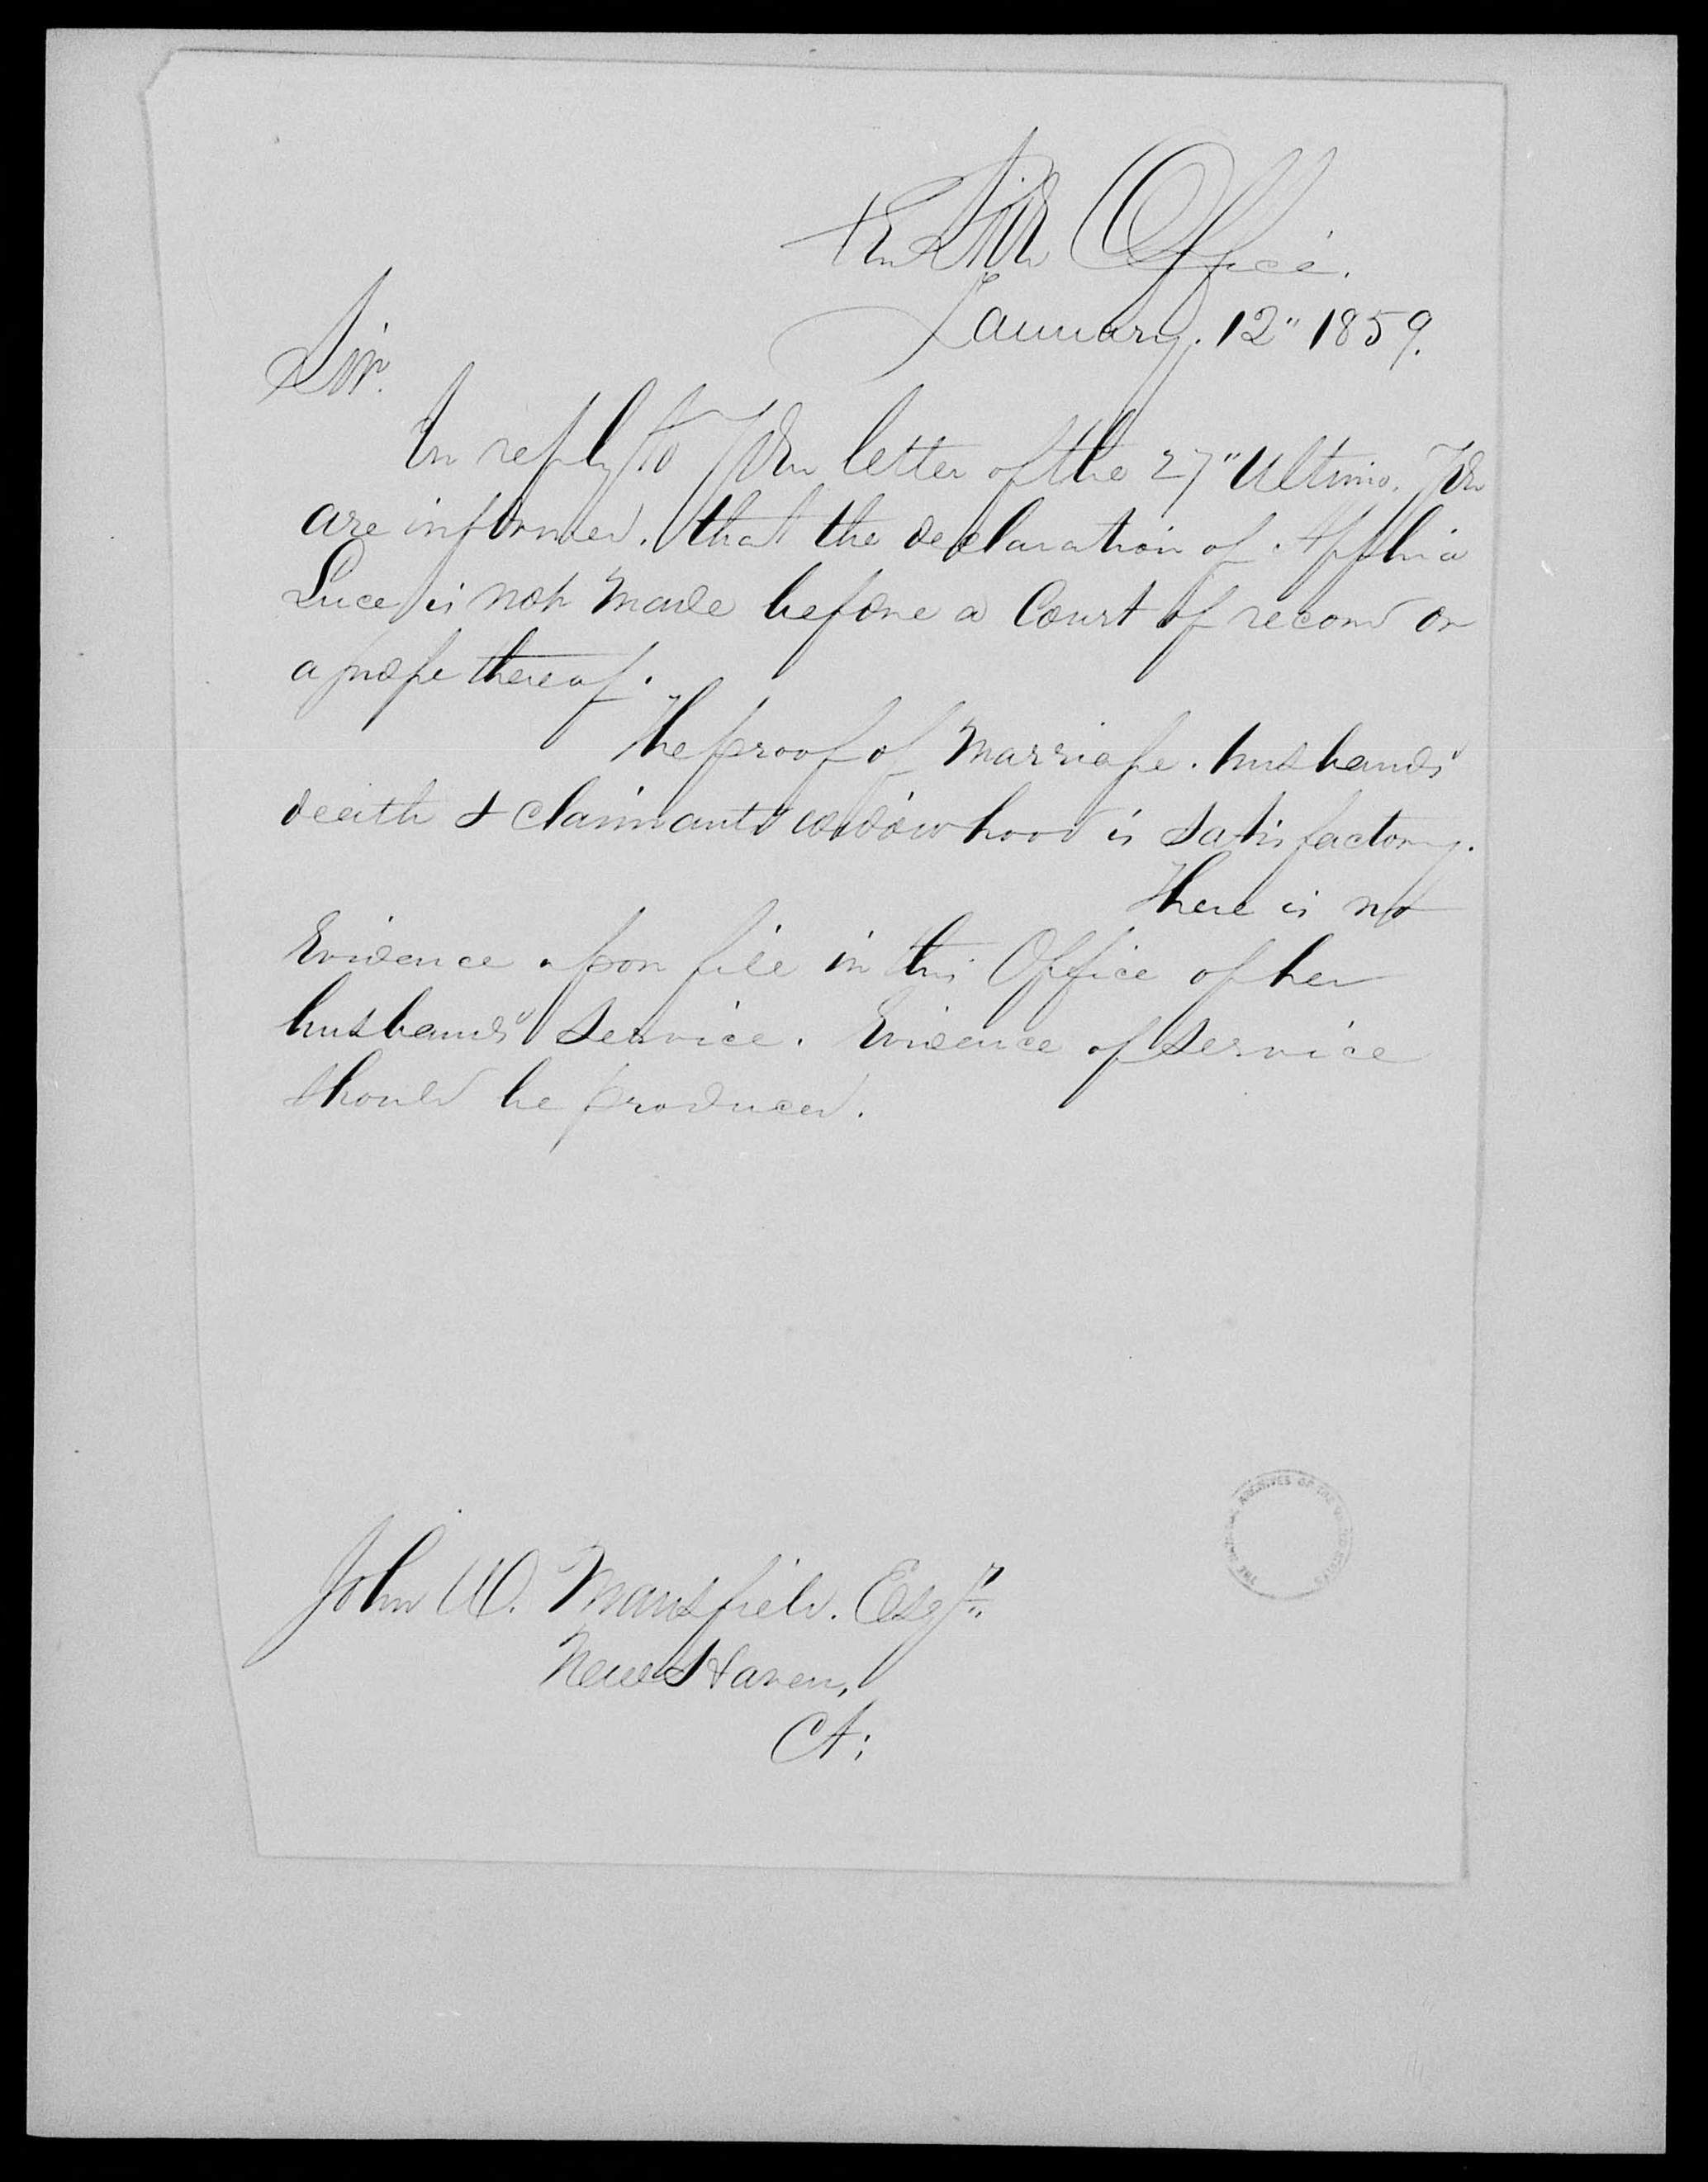The Pension Office
January 12th 1859.

Sir.

In reply to your letter of the 27th ultimo.  You are informed that the declaration of Apphia Luce is not made before a Court of record or a Judge thereof.

The proof of Marriage, husbands' death & claimants widowhood is satisfactory.

There is no evidence from file in this Office of her husbands' service.  Evidence of service should be produced.

John W. Mansfield Esq
New Haven, Ct.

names: John W Mansfield; Apphia Luce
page: 27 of 70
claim: rejected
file: R. 6510, for Israel Luce, New York